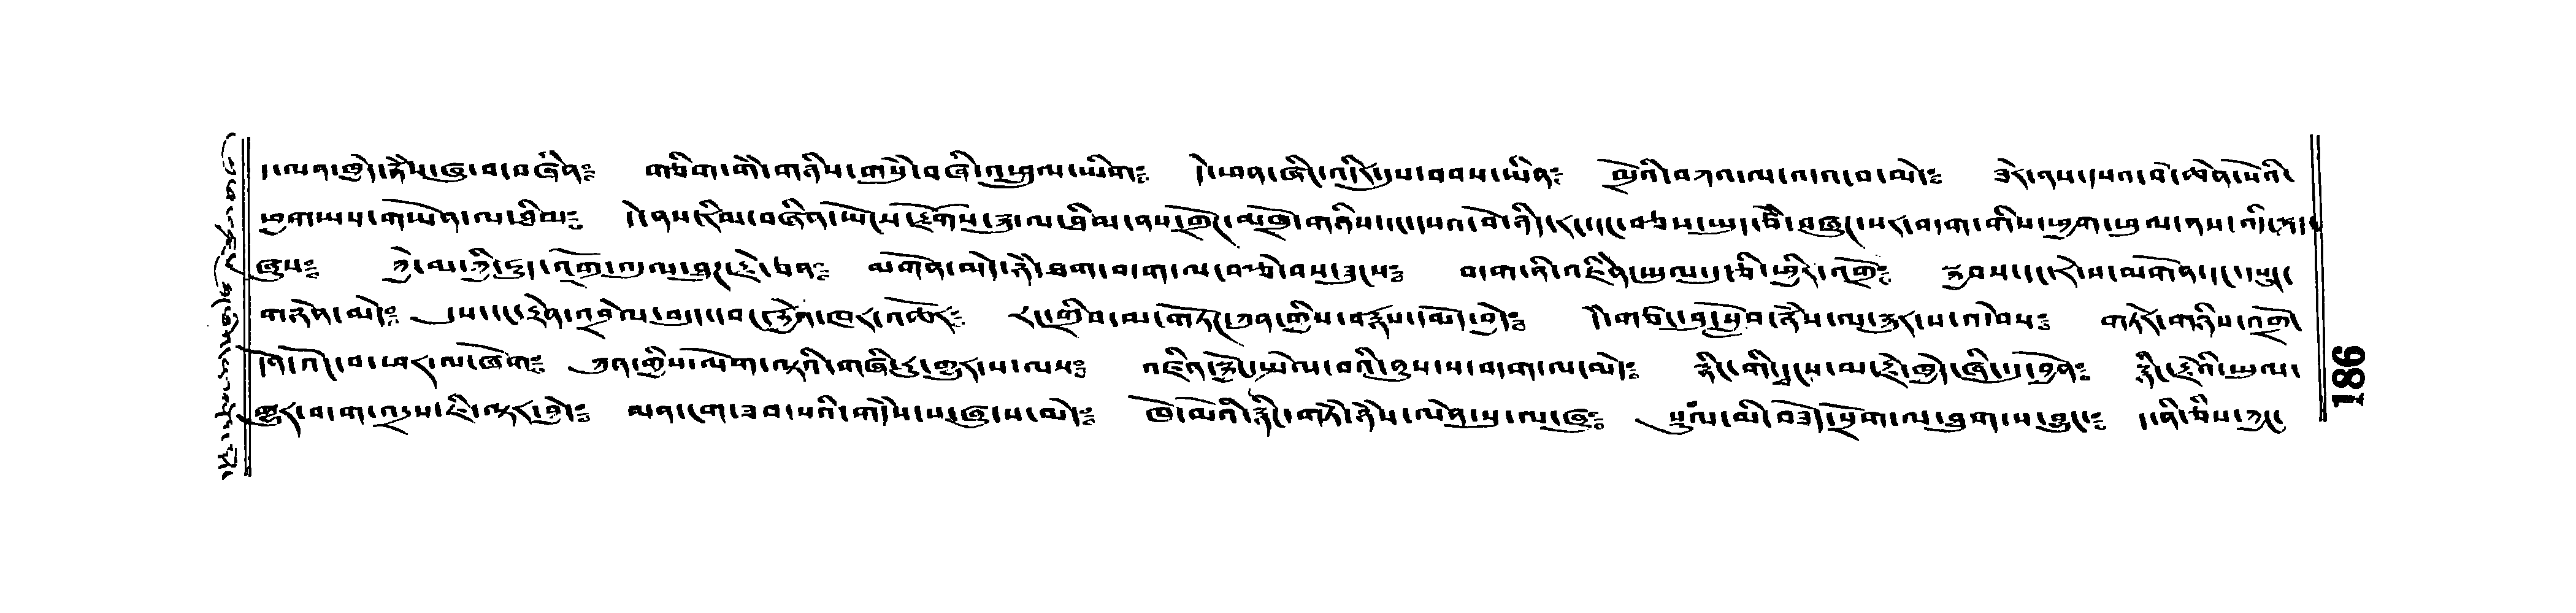ད་ལན་ཁྱེད་རྣམས་ཞུ་བ་བཞིན༔ གཅིག་གམ་གཉིས་གསུམ་བཞི་འཕྲུལ་ཡིག༔ དེ་ཕན་ཞིང་འདིར་དུས་བབས་ཡིན༔ མཁའ་འགྲོའི་བཀའ་ལ་འདའ་བ་མེད༔ ཟེར་ནས་དཔའ་བོ་ཆེན་པོའི་
ཕྱག་གཡས་གཡོན་ལ་ཐིམ༔ དེ་ནས་རིམ་བཞིན་ཡོངས་རྫོགས་སྐུ་ལ་ཐིམ་ནས་གྲོགས་མཁའ་འགྲོ་གཉིས་དང་དཔའ་བོ་ཉིད་རང་དང་བཅས་ཡུད་ཙམ་བཞུགས་པར་བདག་གིས་ཕྱག་ཕུལ་ནས་འདི་སྐད་
ཞུས༔ ཀྱེ་མ་ཀྱི་ཧུད་འགྲོ་འདུལ་ཐུགས་རྗེ་ཅན༔ མགོན་མེད་ཉམ་ཐག་བདག་ལ་བརྩེ་བས་ཟུངས༔ བདག་ནི་འཇིག་རྟེན་ཡུལ་དུ་ཅི་ཕྱིར་འགྲོ༔ སྐྱབས་དང་རེ་ས་མགོན་དང་དཔུང་
གཉེན་མེད༔ དུས་དང་རྟེན་འབྲེལ་བདུད་དབང་རྐྱེན་ཁར་འཆོར༔ རང་འདྲིས་མ་གཏོགས་ཀུན་གྱིས་བརྙས་དམོད་བྱེད༔ དམ་གཙང་བུ་སློབ་རྣམས་ལ་སྐུར་པ་འདེབས༔ གཏེར་གཉིས་འགྲོ་
དོན་འོང་བ་ཕར་ལ་ཞོག༔ ཀུན་གྱིས་ལོག་ལྟའི་གཞི་རུ་གྱུར་པ་ལས༔ འཛིན་སྐྱོང་སྤེལ་བའི་ནུས་པ་བདག་ལ་མེད༔ སྙིང་གི་དྭངས་མ་རྗེ་ཁྱེད་ཞིང་དུ་བྱོན༔ སྙིང་རྗེའི་ཡུལ་
གྱུར་བདག་འདྲས་ཇི་ལྟར་བྱེད༔ མན་ངག་ཟབ་པའི་གདམས་པ་ཞུ་ས་མེད༔ ཁོ་མོའི་སྙིང་གཏམ་ཉམས་ལེན་སུ་ལ་ཞུ༔སྡུག་བསྔལ་མི་བཟོད་སྲོག་ལ་ཐུག་པ་བྱུང༔ ད་ནི་ཅིས་ཀྱང་